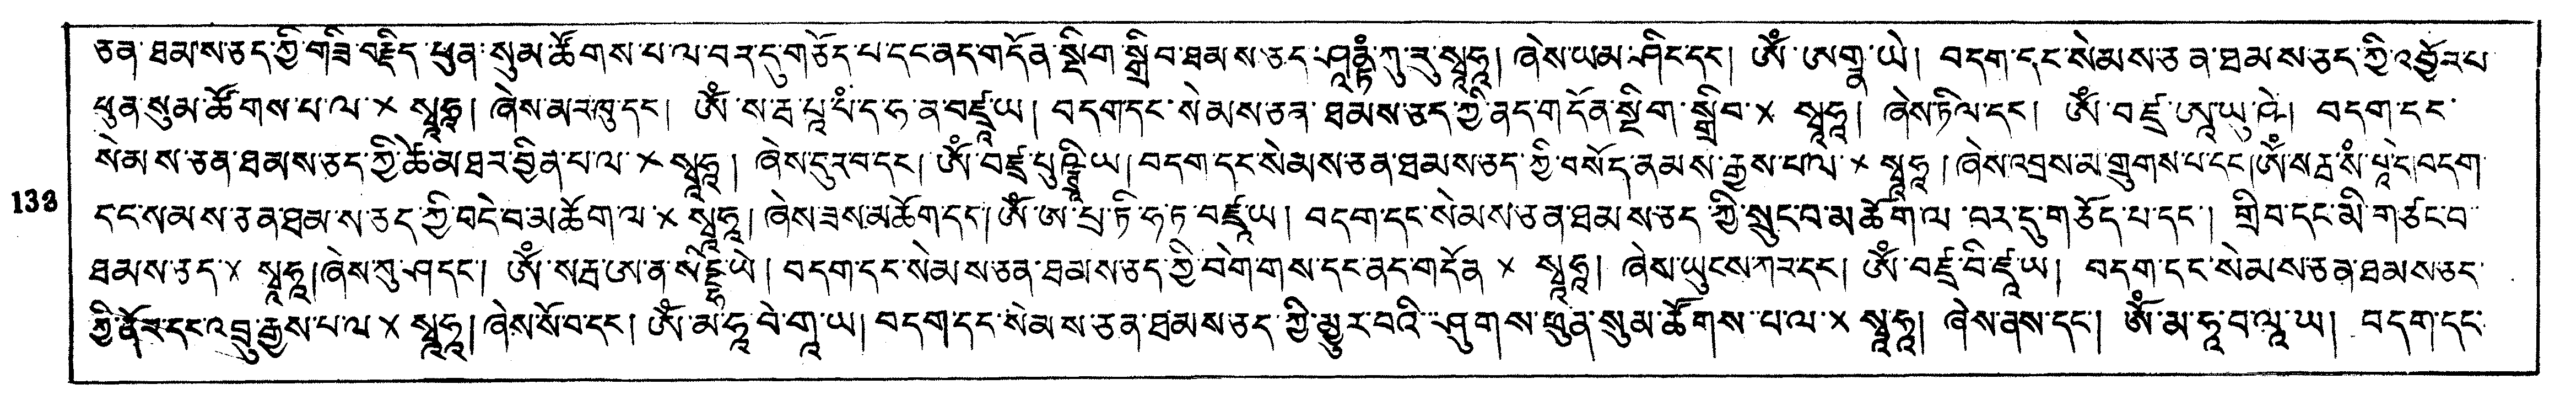ཅན་ཐམས་ཅད་ཀྱི་གཟི་བརྗིད་ཕུན་སུམ་ཚོགས་པ་ལ་བར་དུ་གཅོད་པ་དང་ནད་གདོན་སྡིག་སྒྲིབ་ཐམས་ཅད་ཤཱནྟཾ་ཀུ་རུ་སྭཱཧཱ། ཞེས་ཡམ་ཤིང་དང་། ཨོཾ་ཨགན་ཡེ། བདག་དང་སེམས་ཅན་ཐམས་ཅད་ཀྱི་འབྱོར་པ་
ཕུན་སུམ་ཚོགས་པ་ལ་྾་སྭཱཧཱ། ཞེས་མར་ཁུ་དང་། ཨོཾ་སརྦ་པཱ་པཾ་ད་ཧ་ན་བཛྲཱ་ཡ། བདག་དང་སེམས་ཅན་ཐམས་ཅད་ཀྱི་ནད་གདོན་སྡིག་སྒྲིབ་྾་སྭཱཧཱ། ཞེས་ཏིལ་དང་། ཨོཾ་བཛྲ་ཨཱ་ཡུ་ཥེ། བདག་དང་
སེམས་ཅན་ཐམས་ཅད་ཀྱི་ཚེ་མཐར་བྱིན་པ་ལ་྾་སྭཱཧཱ། ཞེས་དུར་བ་དང་། ཨོཾ་བཛྲ་པུཥྚྲཱི་ཡ། བདག་དང་སེམས་ཅན་ཐམས་ཅད་ཀྱི་བསོད་ནམས་རྒྱས་པ་ལ་྾་སྭཱཧཱ། ཞེས་འབྲས་མ་གྲུགས་པ་དང་། ཨོཾ་སརྦ་སཾ་པཱ་དེ། བདག་
དང་སེམས་ཅན་ཐམས་ཅད་ཀྱི་བདེ་བ་མཆོག་ལ་྾་སྭཱཧཱ། ཞེས་ཟས་མཆོག་དང་། ཨོཾ་ཨ་པྲ་ཏི་ཧ་ཏ་བཛྲཱ་ཡ། བདག་དང་སེམས་ཅན་ཐམས་ཅད་ཀྱི་སྲུང་བ་མཆོག་ལ་བར་དུ་གཅོད་པ་དང་། གྲིབ་དང་མི་གཙང་བ་
ཐམས་ཅད་྾་སྭཱཧཱ། ཞེས་ཀུ་ཤ་དང་། ཨོཾ་སརྦ་ཨ་ན་སིདྡྷ་ཡེ། བདག་དང་སེམས་ཅན་ཐམས་ཅད་ཀྱི་བགེ་གས་དང་ནད་གདོན྾་སྭཱཧཱ། ཞེས་ཡུངས་ཀར་དང་། ཨོཾ་བཛྲ་བི་ཛཱ་ཡ། བདག་དང་སེམས་ཅན་ཐམས་ཅད་
ཀྱི་ནོར་དང་འབྲུ་རྒྱས་པ་ལ་྾་སྭཱཧཱ། ཞེས་སོ་བ་དང་། ཨོཾ་མ་ཧཱ་བེ་གཱ་ཡ། བདག་དང་སེམས་ཅན་ཐམས་ཅད་ཀྱི་མྱུར་བའི་ཤུགས་ཕུན་སུམ་ཚོགས་པ་ལ་྾་སྭཱཧཱ། ཞེས་ནས་དང་། ཨོཾ་མ་ཧཱ་བ་ལཱ་ཡ། བདག་དང་